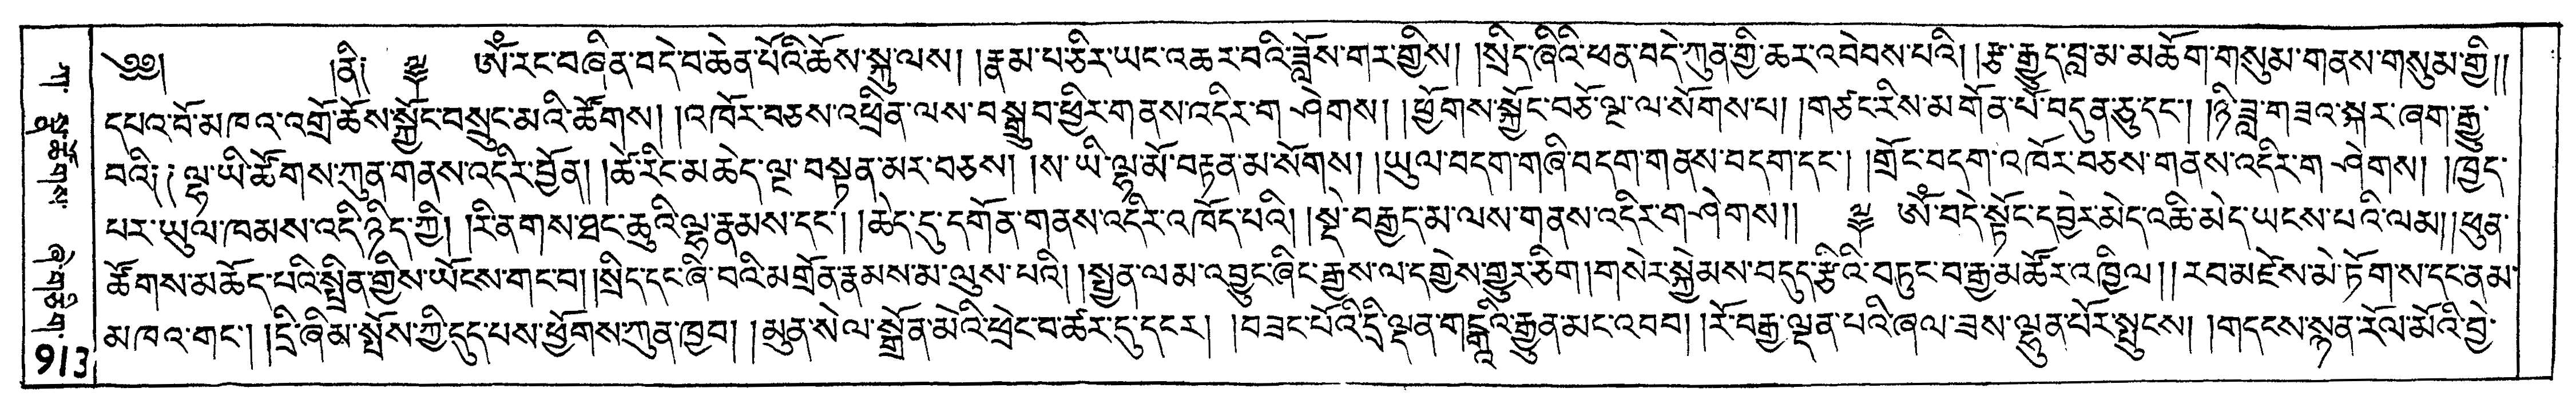༄༅། །ནི༑ ༈ ཨོཾ་རང་བཞིན་བདེ་བ་ཆེན་པོའི་ཆོས་སྐུ་ལས། །རྣམ་པ་ཅིར་ཡང་འཆར་བའི་ཟློས་གར་གྱིས། །སྲིད་ཞིའི་ཕན་བདེ་ཀུན་གྱི་ཆར་འབེབས་པའི། །རྩ་རྒྱུད་བླ་མ་མཆོག་གསུམ་གནས་གསུམ་གྱི། །
དཔའ་བོ་མཁའ་འགྲོ་ཆོས་སྐྱོང་བསྲུང་མའི་ཚོགས། །འཁོར་བཅས་འཕྲིན་ལས་བསྒྲུབ་ཕྱིར་གནས་འདིར་གཤེགས། །ཕྱོགས་སྐྱོང་བཅོ་ལྔ་ལ་སོགས་པ། །གཙང་རིས་མགོན་པོ་བདུན་ཅུ་དང་། །ཉི་ཟླ་གཟའ་སྐར་ཞག་རྒྱུ་
བའི༑ ༑ལྷ་ཡི་ཚོགས་ཀུན་གནས་འདིར་བྱོན། །ཚེ་རིང་མཆེད་ལྔ་བསྟན་མར་བཅས། །ས་ཡི་ལྷ་མོ་བརྟན་མ་སོགས། །ཡུལ་བདག་གཞི་བདག་གནས་བདག་དང་། །གྲོང་བདག་འཁོར་བཅས་གནས་འདིར་གཤེགས། །ཁྱད་
པར་ཡུལ་ཁམས་འདི་ཉིད་ཀྱི། །རི་ནགས་ཐང་ཆུའི་ལྷ་རྣམས་དང་། །ཆེད་དུ་དགོན་གནས་འདིར་འཁོད་པའི། །སྡེ་བརྒྱད་མ་ལས་གནས་འདིར་གཤེགས།། ༈ ཨོཾ་བདེ་སྟོང་དབྱེར་མེད་འཆི་མེད་ཡངས་པའི་ལམ། །ཕུན་
ཚོགས་མཆོད་པའི་སྤྲིན་གྱིས་ཡོངས་གང་བ། །སྲིད་དང་ཞི་བའི་མགྲོན་རྣམས་མ་ལུས་པའི། །སྤྱན་ལམ་འབྱུང་ཞིང་རྒྱས་ལ་དགྱེས་གྱུར་ཅིག །གསེར་སྐྱེམས་བདུད་རྩིའི་བཏུང་བ་རྒྱ་མཚོར་འཁྱིལ། །རབ་མཛེས་མེ་ཏོག་ས་དང་ནམ་
མཁའ་གང་། །དྲི་ཞིམ་སྤོས་ཀྱི་དུད་པས་ཕྱོགས་ཀུན་ཁྱབ། །མུན་སེལ་སྒྲོན་མེའི་ཕྲེང་བ་ཚར་དུ་དངར། །བཟང་པོའི་དྲི་ལྡན་གངྒཱའི་རྒྱུན་མང་འབབ། །རོ་བརྒྱ་ལྡན་པའི་ཞལ་ཟས་ལྷུན་པོར་སྤུངས། །གདངས་སྙན་རོལ་མོའི་བྱེ་